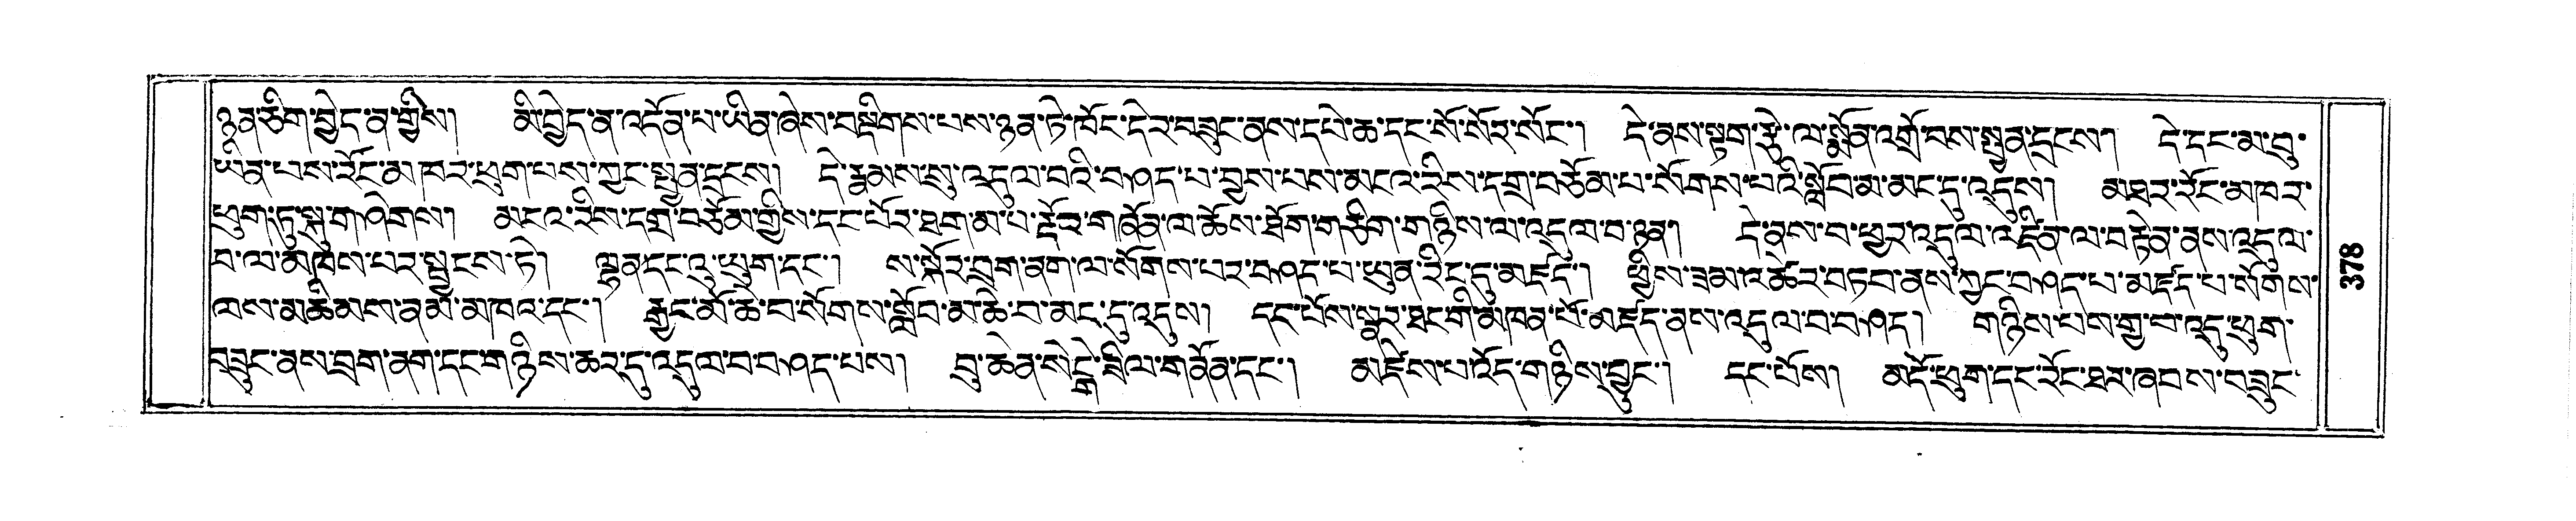ཉན་ཅིག་བྱེད་ན་གྱིས། མི་བྱེད་ན་འདོན་པ་ཡིན་ཞེས་བསྡིགས་པས་ཉན་ཏེ་ཁོང་དེར་བཟུང་ནས་དཔེ་ཆ་དང་སོ་སོར་སོང་། དེ་ནས་སྟག་རྩེ་ལ་སྨོན་འགྲོ་བས་སྤྱན་དྲངས། དེ་དང་མ་བུ་
ཡིན་པས་རོང་མཁར་ཕུག་པས་ཀྱང་སྤྱན་དྲངས། དེ་རྣམས་སུ་འདུལ་བའི་བཤད་པ་བྱས་པས་མངའ་རིས་དགྲ་བཅོམ་པ་སོགས་པའི་སློབ་མ་མང་དུ་འདུས། མཐར་རོང་མཁར་
ཕུག་ཏུ་སྐུ་གཤེགས། མངའ་རིས་དགྲ་བཅོམ་གྱིས་དང་པོར་ཐག་མ་པ་རྡོར་གཞོན་ལ་ཆོས་ཐོག་གཅིག་གཉིས་ལ་འདུལ་བ་ཉན། དེ་ནས་བ་ཕྱར་འདུལ་འཛིན་ལ་བརྟེན་ནས་འདུལ་
བ་ལ་མཁས་པར་སྦྱངས་ཏེ། ལྷན་དང་འུ་ཡུག་དང་། ས་སྐོར་བྲག་ནག་ལ་སོགས་པར་བཤད་པ་ཡུན་རིང་དུ་མཛད། ཕྱིས་ཟམ་འཚེར་བཏབ་ནས་ཀྱང་བཤད་པ་མཛད་པ་སོགས་
ལས་མཆིམས་ནམ་མཁའ་དང་། རྒྱང་མོ་ཆེ་བ་སོགས་སློབ་མ་ཆེ་བ་མང་དུ་འདུས། དང་པོས་སྣར་ཐང་གི་མཁན་པོ་མཛད་ནས་འདུལ་བ་བཤད། གཉིས་པས་གྱ་བ་འདུ་ཕུག་
བཟུང་ནས་བྲག་ནག་དང་གཉིས་ཆར་དུ་འདུལ་བ་བཤད་པས། བུ་ཆེན་སེངྒེ་ཟིལ་གནོན་དང་། མཛེས་པ་འོད་གཉིས་བྱུང་། དང་པོས། མདོ་ཕུག་དང་རོང་ཐར་ཞབས་བཟུང་